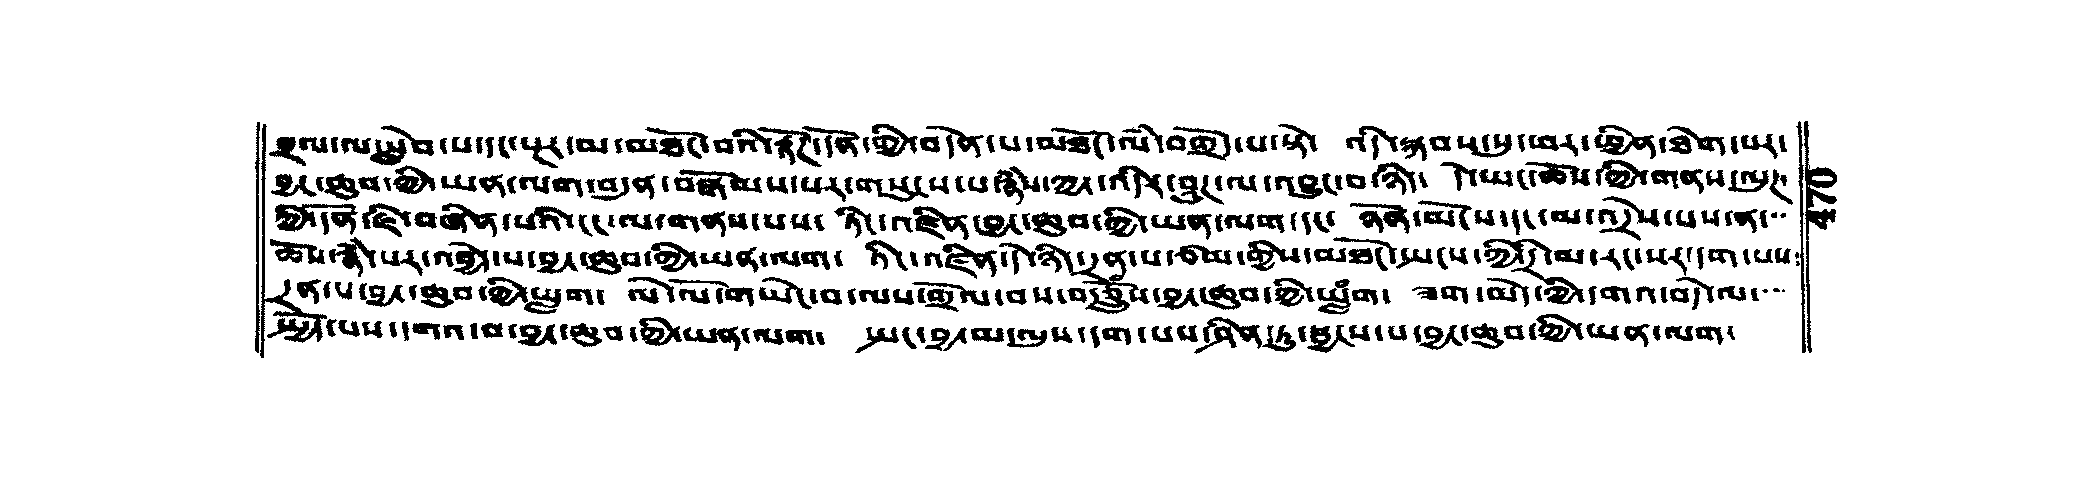བྲལ་ལ་སླེབ་པ་དང་སྔར་མ་མཐོང་བའི་རྟོགས་དོན་གྱི་བདེན་པ་མཐོང་ལམ་བགྲོད་པ་སྟེ། འདི་སྐབས་སུ་ཕར་ཕྱིན་ཐེག་པར་
བྱང་ཆུབ་ཀྱི་ཡན་ལག་བདུན་བསྒོམ་པར་གསུངས་པ་རྣམས་ཀྱང་འདིར་ཤུགས་ལ་འབྱུང་བ་ཉིད། དེ་ཡང་ཆོས་ཀྱི་གནས་ལུགས་
ཀྱི་དོན་ཇི་བཞིན་པའི་ངང་ལ་གནས་པས། ཏིང་འཛིན་བྱང་ཆུབ་ཀྱི་ཡན་ལག་དང་། ཉོན་མོངས་དང་མ་འདྲེས་པས་ན་
ཆོས་རྣམ་པར་འབྱེད་པ་བྱང་ཆུབ་ཀྱི་ཡན་ལག ཏིང་འཛིན་དེ་ཉིད་དྲན་པ་ཙམ་གྱིས་མཐོང་སྤངས་ཀྱི་དྲི་མ་རང་སར་དག་པས་
དྲན་པ་བྱང་ཆུབ་ཀྱི་ཡན་ལག ལེ་ལོ་གཡེང་བ་ལས་གྲོལ་བས་བརྩོན་གྲུས་བྱང་ཆུབ་ཀྱི་ཡན་ལག ཟག་མེད་ཀྱི་དགའ་བདེ་ལ་
སྤྱོད་པས་དགའ་བ་བྱང་ཆུབ་ཀྱི་ཡན་ལག སྤང་བྱ་མ་ལུས་དག་པས་ཤིན་ཏུ་སྦྱངས་པ་བྱང་ཆུབ་ཀྱི་ཡན་ལག